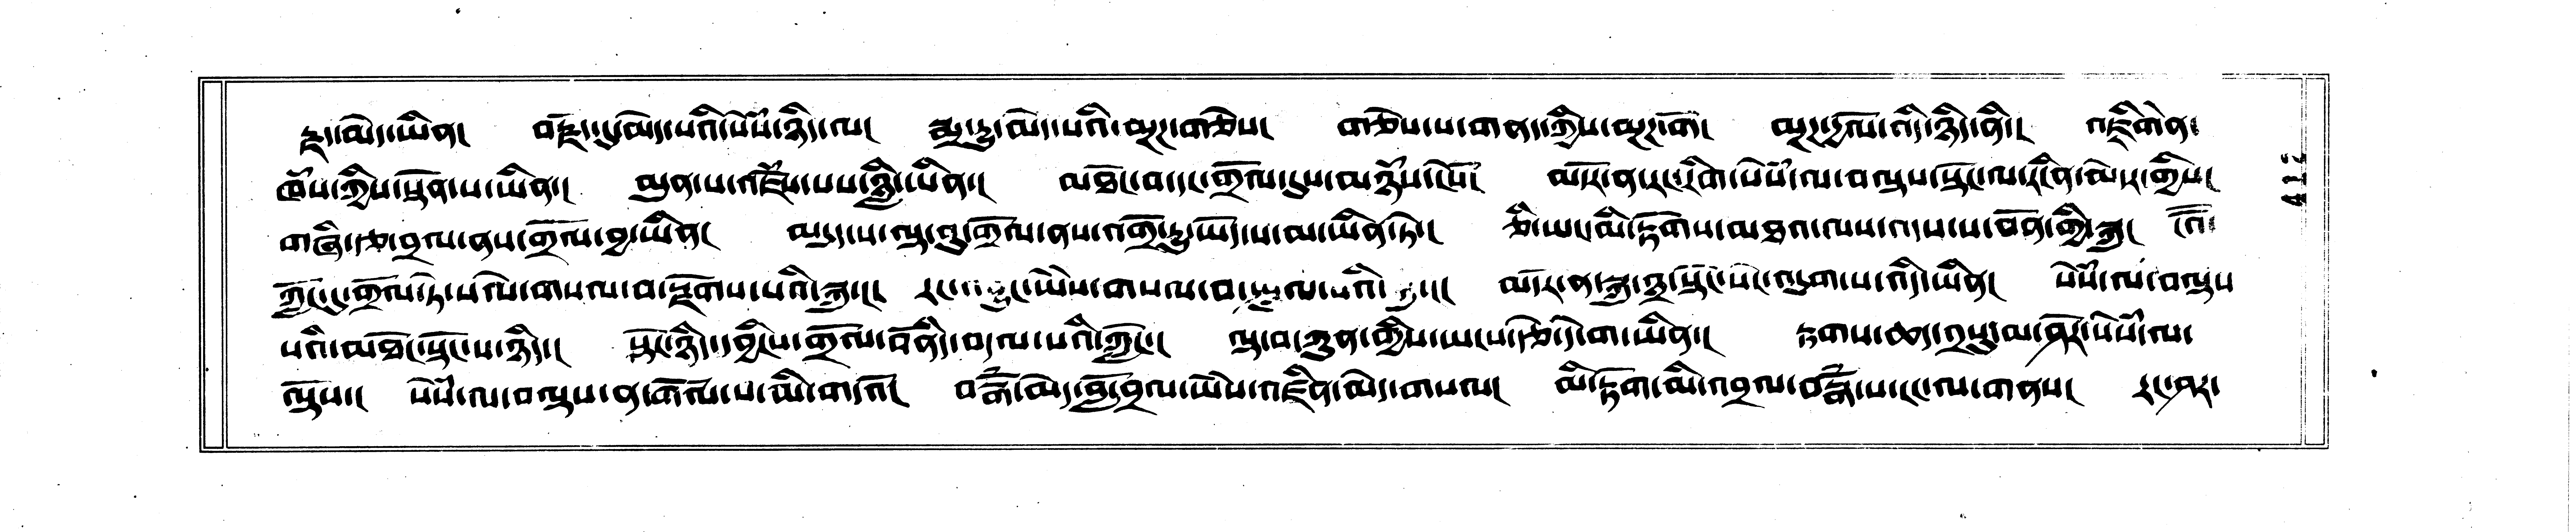བརྗོད་མེད་ཡིན། བརྗོད་དུ་མེད་པའི་སེམས་ཉིད་ལ། སྨྲ་རྒྱུ་མེད་པའི་མེན་ངག་གཅེས། གཅེས་པ་གནང་ཀྱིས་མེན་ངག་གོ མེན་ངག་རྒྱལ་པོ་འདི་ཉིད་ནི། འཇིག་རྟེན་
ཁམས་ཀྱི་སྟོན་པ་ཡིན། མུན་པ་འཇོམས་པའི་སྒྲོན་མེ་ཡིན། མཐོང་བ་དང་གྲོལ་བ་དུས་མཉམས་ངེས་སོ། མདོར་ན་རང་རིག་སེམས་ལ་བལྟས་པ་ན།སྟོང་ལ་རང་གྱིས་
གཞི་རྩ་བྲལ་ན་གྲོལ་བྱ་བ་དེ་ཡིན། མདུད་པ་ལྟ་བུ་གྲོལ་ནས་འགྲོ་རྒྱུ་ཡོད་པ་མ་ཡིན་ཏེ། ཅིར་ཡང་མི་རྟོག་མཐའ་ལས་འདས་པ་བོན་གྱིས་སྐུ། ངོའོ་
ཀློང་དུ་གྲོལ་ཏེ་སལེ་གསལ་བ་རྫོགས་པའི་སྐུ། རང་འབྱུང་ཡེ་ཤེས་སུ་གསལ་བ་སྤྲུལ་པའི་སྐུ། མདོར་ན་སྐུ་གསུམ་ངོའོ་སྟོང་སང་ངེ་འདུག་པ་འདི་ཡིན། སེམས་ལ་བལྟས་
པས་མ་མཐོང་སྟོང་པ་ཉིད། སྟོང་ཉིད་དབྱིངས་གྲོལ་བོན་ཉིད་བདལ་པའི་ཀློང་། ལྟ་བ་ཀུན་གྱིས་ཡང་རྩེ་དེ་ཀ་ཡིན། ལྟག་ཆད་གཉིས་སུ་མ་ཤོར་སེམས་ལ་
ལྟོས། སེམས་ལ་བལྟས་ན་གོལ་ས་མི་གདའ་འོ། སྒོམ་མེད་བློ་བྲལ་ཡེ་ཤེས་འཛིན་མེད་གསལ། མི་རྟོག་མི་འབྲལ་སྒོམ་པ་ངང་ལ་གནས། རང་ཤར་